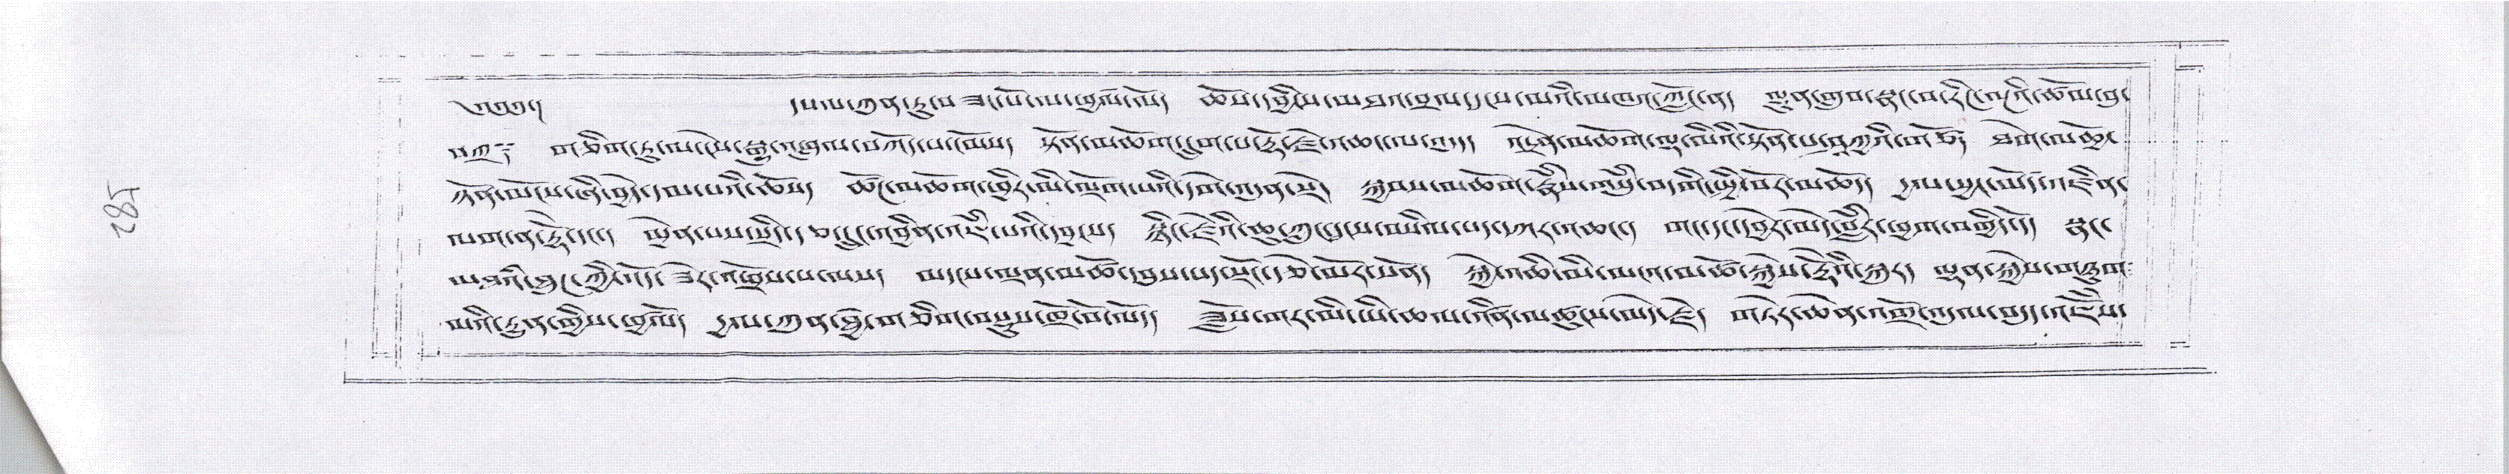༄༅།། དཔལ་ཀུན་ཏུ་བཟང་པོ་ལ་ཕྱག་འཚལ་ལོ། ཆོས་དབྱིངས་མཐའ་བྲལ་དངས་མའི་མཁའ་ཀློང་ན། །ལྷུན་གྲུབ་སྣང་བ་རིགས་ལྔའི་ཚོམ་བུ་
བཀྲ། །གཅིག་ཏུ་མ་ངེས་སྒྱུ་འཕྲུལ་བཀོད་པ་མོས། །སྟོན་མཆོག་དྲུག་པ་རྡོ་རྗེ་འཆང་ལ་འདུད། །འདྲེན་མཆོག་ལྷ་མིའི་སྟོན་པ་ཤཱཀྱའི་གཙོ། །ཐེག་མཆོག་
ཉོན་མོངས་ཞི་བྱེད་དམ་པའི་ཆོས། །ཚོགས་མཆོག་ཕྱིར་མི་ལྡོག་པའི་དགེ་འདུན་སྡེ། །སྐྱབས་མཆོག་རྣམ་གསུམ་བདག་གི་སྤྱི་བོར་མཆོད། །རྒྱལ་གསུང་མཛོད་འཛིན་
ལག་ན་རྡོ་རྗེ་དང་། །མཁྱེན་པས་སྲིད་རྩ་དྲུང་འབྱིན་འཇམ་པའི་དབྱངས། །སྙིང་རྗེའི་ཆུ་ཀླུང་དྭངས་བསིལ་པད་དཀར་འཆང་། །གང་དང་དབྱེར་མེད་བླ་མར་ཕྱག་བགྱིད་དོ། །སྣང་
མཐའི་ཐུགས་ཀྱི་འོད་ཟེར་འཕྲོས་པ་ལས། །མདངས་ལྡན་མཚོ་དབུས་པད་སྡོང་རྩེ་མོར་སོན། །སྐྱེ་འཆི་མི་མངའ་མཚོ་སྐྱེས་རྡོ་རྗེའི་སྐུར། །ལྷན་སྐྱེས་གཉུག་
མའི་རྒྱུན་གྱིས་ཕྱག་འཚལ་ལོ། །རྒྱལ་ཀུན་ཐུགས་རྗེ་གཅིག་བསྡུས་ཁྲོ་བོ་ལོད། །ཟློས་གར་མི་ཡི་ཆས་འཛིན་མཚུངས་མེད་རྗེ། །གཏེར་ཆེན་འགྲོ་འདུལ་བདུད་འཇོམས་